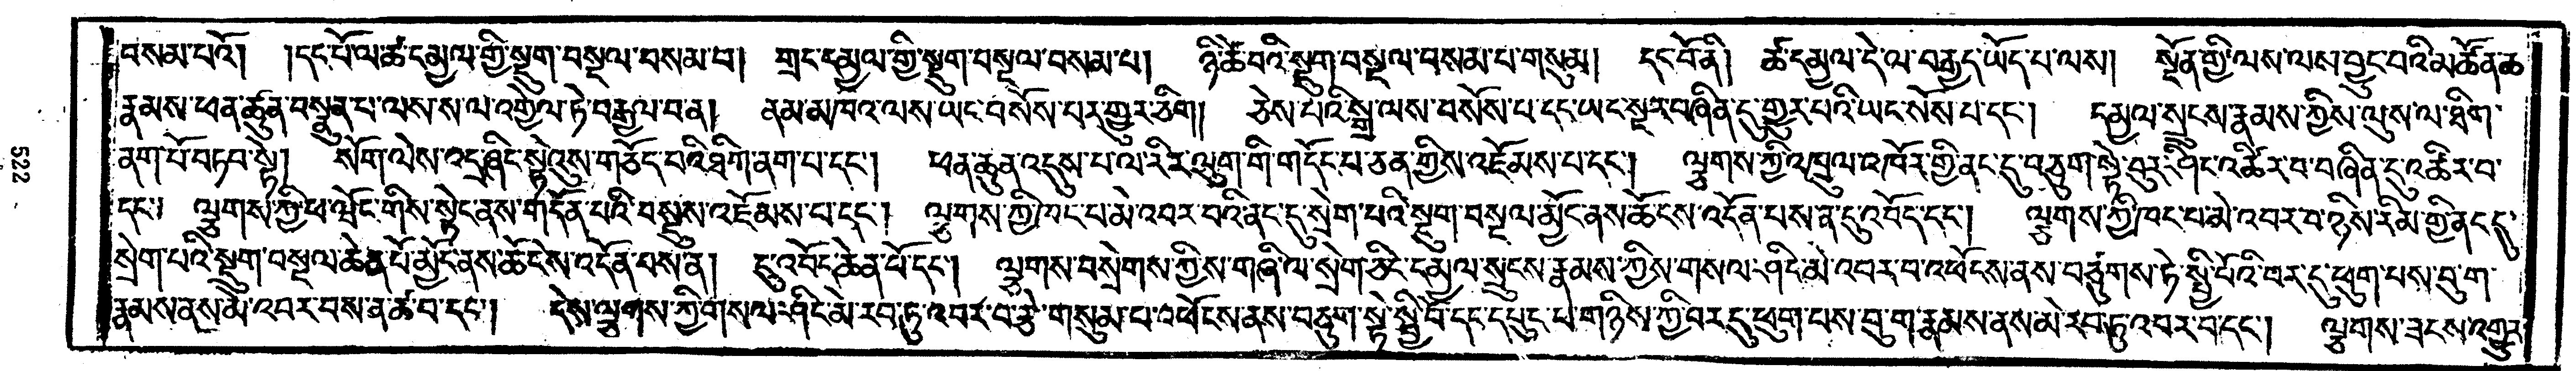བསམ་པའོ། །དང་པོ་ལ་ཚ་དམྱལ་གྱི་སྡུག་བསྔལ་བསམ་པ། གྲང་དམྱལ་གྱི་སྡུག་བསྔལ་བསམ་པ། ཉི་ཚེ་བའི་སྡུག་བསྔལ་བསམ་པ་གསུམ། དང་པོ་ནི། ཚ་དམྱལ་དེ་ལ་བརྒྱད་ཡོད་པ་ལས། སྔོན་གྱི་ལས་ལས་བྱུང་བའི་མཚོན་ཆ་
རྣམས་ཕན་ཚུན་བསྣུན་པ་ལས་ས་ལ་འགྱེལ་ཏེ་བརྒྱལ་བ་ན། ནམ་མཁའ་ལས་ཡང་བསོས་པར་གྱུར་ཅིག། ཅེས་པའི་སྒྲ་ལས་བསོས་པ་དང་ཡང་སྔར་བཞིན་དུ་གྱུར་པའི་ཡང་སོས་པ་དང་། དམྱལ་སྲུངས་རྣམས་ཀྱིས་ལུས་ལ་ཐིག་
ནག་པོ་བཏབ་སྟེ། སོག་ལེས་འདྲ་ཞིང་སྟེའུས་གཅོད་པའི་ཐིག་ནག་པ་དང་། ཕན་ཆུན་འདུས་པ་ལ་རིར་ལུག་གི་གདོང་པ་ཅན་གྱིས་འཇོམས་པ་དང་། ལྕགས་ཀྱི་འཁྲུལ་འཁོར་གྱི་ནང་དུ་བཅུག་སྟེ་བུར་ཤིང་འཚིར་བ་བཞིན་དུ་འཚིར་བ་
དང༑ ལྕགས་ཀྱི་ཕ་ཝོང་གིས་སྟེང་ནས་གདོན་པའི་བསྡུས་འཇོམས་པ་དང་། ལྕགས་ཀྱི་ཁང་པ་མེ་འབར་བའི་ནང་དུ་སྲེག་པའི་སྡུག་བསྔལ་མྱོང་ནས་ཆོ་ངས་འདོན་པས་ན་དུ་འབོད་དང་། ལྕགས་ཀྱི་ཁང་པ་མེ་འབར་བ་ཉིས་རིམ་གྱི་ནང་དུ་
སྲེག་པའི་སྡུག་བསྔལ་ཆེན་པོ་མྱོང་ནས་ཆོ་ངེས་འདོན་བས་ན། དུ་འབོད་ཆེན་པོ་དང་། ལྕགས་བསྲེགས་ཀྱི་ས་གཞི་ལ་སྲེག་ཅིང་དམྱལ་སྲུངས་རྣམས་ཀྱིས་གསལ་ཤིང་མེ་འབར་བ་འཕོངས་ནས་བཙུགས་ཏེ་སྤྱི་བོའི་བར་དུ་ཕུག་པས་བུ་ག་
རྣམས་ནས་མེ་འབར་བས་ན་ཚ་བ་དང་། དེས་ལྕགས་ཀྱི་གསལ་ཤིང་མེ་རབ་ཏུ་འབར་བ་རྩེ་གསུམ་པ་འཕོངས་ནས་བཅུག་སྟེ་སྦྱི་བོ་དང་དཔུང་པ་གཉིས་ཀྱི་བར་དུ་ཕུག་པས་བུ་ག་རྣམས་ནས་མེ་རབ་ཏུ་འབར་བ་དང་། ལྕགས་ཟངས་འགྱུར་